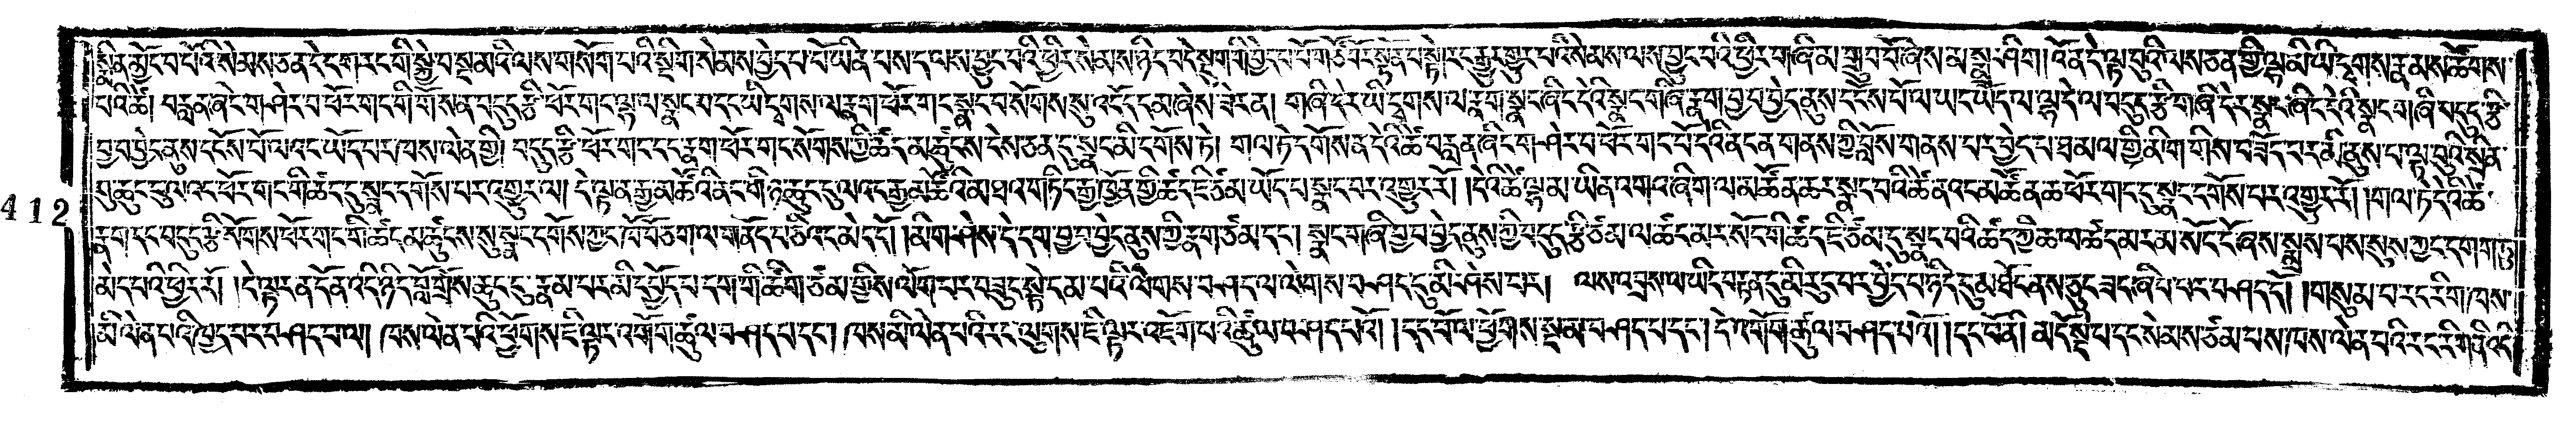སྨིན་མྱོང་བ་པོའི་སེམས་ཅན་དེ་དག་རང་གི་སྐྱེ་བ་སྔ་མའི་ལས་གསོག་པའི་སྡིག་སེམས་བྱེད་པ་པོ་ཡིན་པས་ད་ལས་བྱུང་བའི་ཕྱིར་སེམས་ཉིད་བདེ་སྡུག་གི་བྱེད་པ་པོ་གཙོ་བོར་སྟོན་པ་སྟེ། རང་རྒྱུར་གྱུར་བའི་སེམས་ལས་བྱུང་བའི་ཕྱིར་གཞི་མ་གྲུབ་པོ་ཞེས་མ་སྨྲ་ཤིག། འོ་ན་དེ་ལྟ་བུའི་ལས་ཅན་གྱི་ལྷ་མི་ཡི་དྭགས་རྣམས་ཚོགས་
པའི་ཚེ། བརླན་ཞིང་གཤེར་བ་ཕོར་གང་གི་གོས་ན་བདུད་རྩི་ཕོར་གང་ལྷ་ལ་སྣང་བ་དང་ཡི་དྭགས་ལ་རྣག་ཕོར་གང་སྣང་བ་སོགས་སུ་འདོད་མ་ཞེས་ཟེར་ན། གཞི་དེར་ཡི་དྭགས་ལ་རྣག་སྣང་ཞིང་དེའི་སྣང་གཞི་རྣག་བྱ་བ་བྱེད་ནུས་དངོས་པོ་ལ་ཡང་ཡོད་ལ་ལྷ་དེ་ལ་བདུད་རྩི་གཞི་དེར་སྣང་ཞིང་དེའི་སྣང་གཞི་བདུད་རྩི་
བྱ་བ་བྱེད་ནུས་དངོས་པོ་ལའང་ཡོད་པར་ཁས་ལེན་གྱི། བདུད་རྩི་ཕོར་གང་དང་རྣག་ཕོར་གང་སོགས་ཀྱི་ཚད་མཚུངས་ངེས་ཅན་དུ་སྣང་མི་དགོས་ཏེ། གལ་ཏེ་དགོས་ན་དེའི་ཚེ་བརླན་ཞིང་གཤེར་བ་ཕོར་གང་པོ་དེའི་ནང་ན་གནས་ཀྱི་བློས་གནས་པར་བྱེད་པ་ཐ་མལ་གྱི་མིག་གིས་བཟོད་པར་མི་ནུས་པ་ལྟ་བུའི་སྲིན་
བུ་ཆུང་དུ་ལའང་ཕོར་གང་གི་ཚད་དུ་སྣང་དགོས་པར་འགྱུར་ལ། དེ་ལྟ་ན་རྒྱ་མཚོའི་ནང་གི་ཉ་ཆུང་དུ་ལའང་རྒྱ་མཚོའི་མཐའ་གཏིང་རྒྱ་ཁྱོན་གྱི་ཚད་ཇི་ཙམ་ཡོད་པ་སྣང་བར་འགྱུར་རོ། །དེའི་ཚེ་ལྷ་མ་ཡིན་འགའ་ཞིག་ལ་མཚོན་ཆར་སྣང་བའི་ཚེ་ནའང་མཚོན་ཆ་ཕོར་གང་དུ་སྣང་དགོས་པར་འགྱུར་རོ། །གལ་ཏེ་དེའི་ཚེ་
རྣག་དང་བདུད་རྩི་སོགས་ཕོར་གང་གི་ཚད་མཚུངས་སུ་སྣང་དགོས་ཀྱང་ཁོ་བོ་ཅག་ལ་གནོད་པ་ཅིའང་མེད་དོ། །མིག་ཤེས་དེ་དག་བྱ་བ་བྱེད་ནུས་ཀྱི་རྣག་ཙམ་དང་། སྣང་གཞི་བྱ་བ་བྱེད་ནུས་ཀྱི་བདུད་རྩི་ཙམ་ལ་ཚད་མར་སོང་གི་ཚད་ཇི་ཙམ་དུ་སྣང་བའི་ཚད་ཀྱི་ཆ་ལ་ཚད་མར་མ་སོང་ངོ་ཞས་སྨྲས་པས་སུས་ཀྱང་དགག་ཏུ་
མེད་པའི་ཕྱིར་རོ། །དེ་ལྟར་ན་དོན་འདི་ཉིད་བློ་གྲོས་ཆུང་དུ་རྣམ་པར་མི་དཔྱོད་པ་དག་གི་ཚིག་ཙམ་གྱིས་ལོག་པར་བཟུང་སྟེ་དམ་པའི་ལེགས་བཤད་ལ་ལེགས་བཤད་དུ་མི་ཤེས་པར། ལས་འབྲས་ལ་ཡིད་བརྟན་དུ་མི་རུང་བར་བྱེད་པ་ཉིད་དུ་མཐོང་ནས་ཅུང་ཟད་ཞིབ་པར་བཤད་དོ། །གསུམ་པ་རང་རིག་ཁས་
མི་ལེན་བའི་ཁྱད་པར་བཤད་པ་ལ། ཁས་ལེན་པའི་ཕྱོགས་ཇི་ལྟར་འགོག་ཚུལ་བཤད་པ་དང་། ཁས་མི་ལེན་པའི་རང་ལུགས་ཇི་ལྟར་འཇོག་པའི་ཚུལ་བཤད་པའོ། །དང་པོ་ལ་ཕྱོགས་སྔ་མ་བཤད་པ་དང་། དེ་འགོག་ཚུལ་བཤད་པའོ། །དང་པོ་ནི། མདོ་སྡེ་པ་དང་སེམས་ཙམ་བས་ཁས་ལེན་པའི་རང་རིག་ནི་འདི་